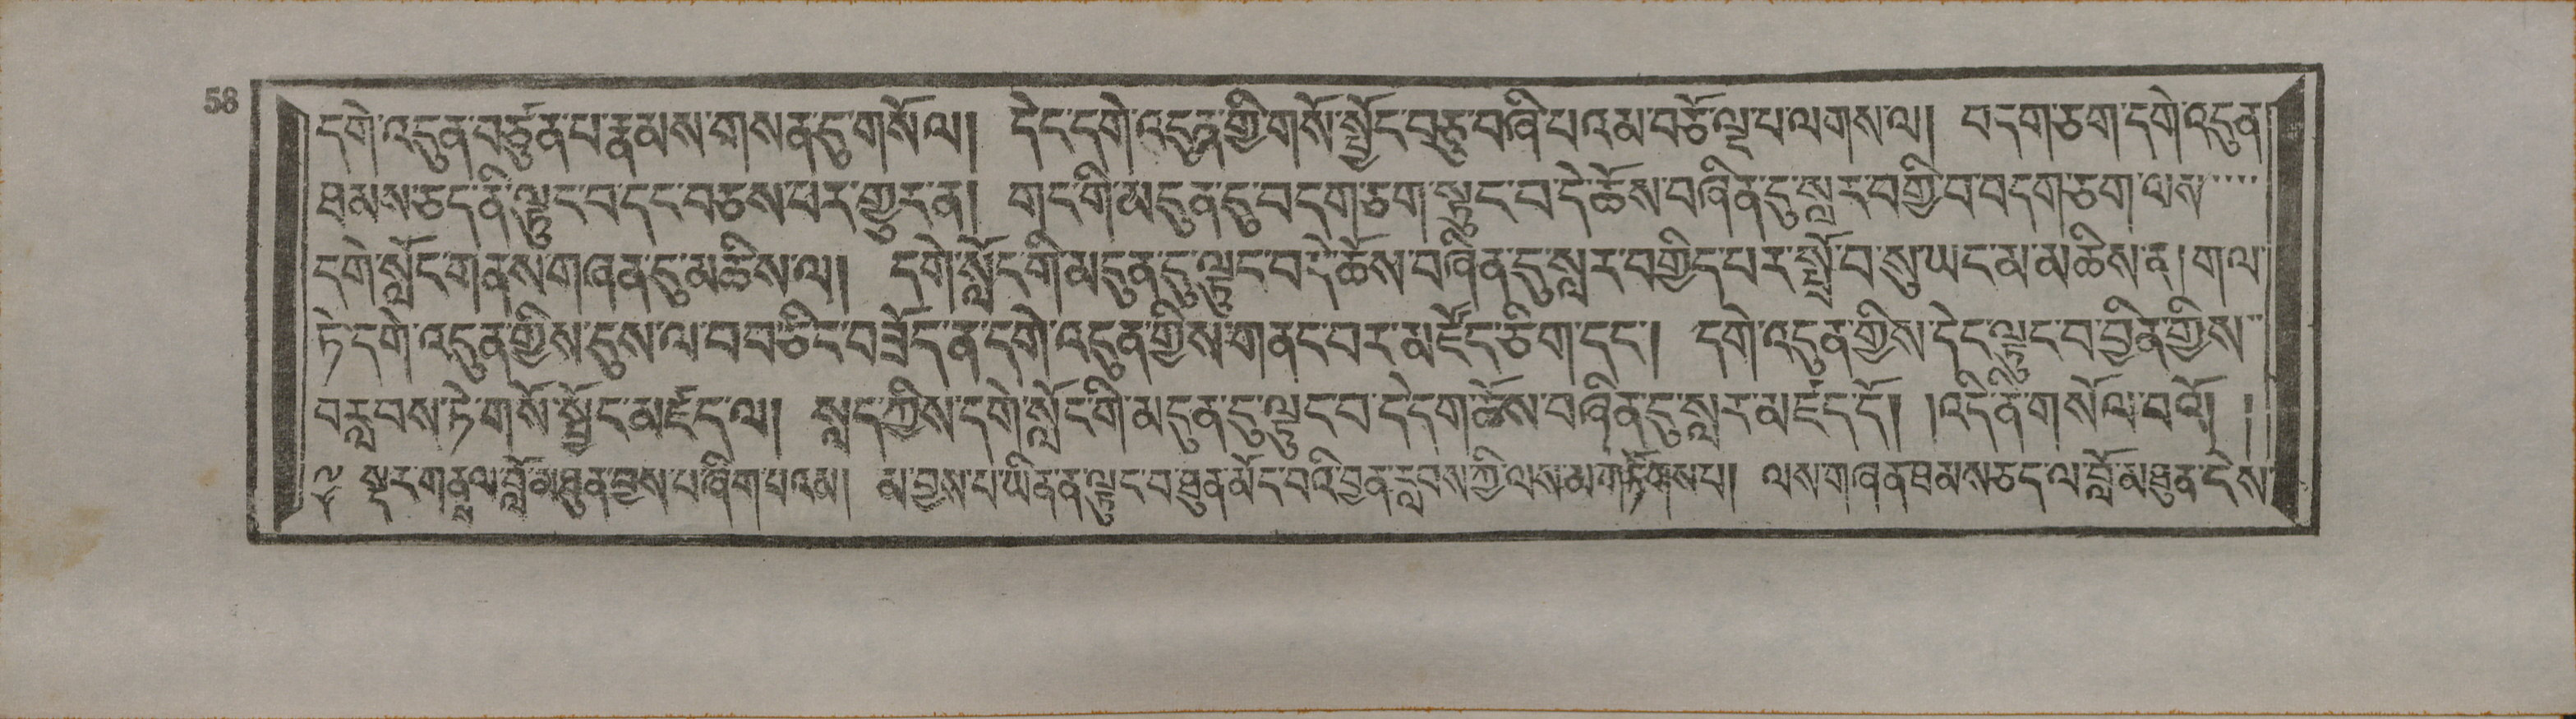དགེ་འདུན་བཙུན་པ་རྣམས་གསན་དུ་གསོལ། དེང་དགེ་འདུན་གྱི་གསོ་སྦྱོང་བཅུ་བཞི་པའམ་བཅོ་ལྔ་པ་ལགས་ལ། བདག་ཅག་དགེ་འདུན་
ཐམས་ཅད་ནི་ལྟུང་བ་དང་བཅས་པར་གྱུར་ན། གང་གི་མདུན་དུ་བདག་ཅག་སྟུང་བ་དེ་ཆོས་བཞིན་དུ་སླར་བགྱི་བ་བདག་ཅག་ལས་
དགེ་སློང་གནས་གཞན་དུ་མཆིས་ལ། དགེ་སློང་གི་མདུན་དུ་ལྟུང་བ་དེ་ཆོས་བཞིན་དུ་སླར་བགྱིད་པར་སྤྲོ་བ་སུ་ཡང་མ་མཆིས་ན། གལ་
ཏེ་དགེ་འདུན་གྱིས་དུས་ལ་བབ་ཅིང་བཟོད་ན་དགེ་འདུན་གྱིས་གནང་བར་མཛོད་ཅིག་དང་། དགེ་འདུན་གྱིས་དེང་ལྟུང་བ་བྱིན་གྱིས་
བརླབས་ཏེ་གསོ་སྦྱོང་མཛད་ལ། སླད་ཀྱིས་དགེ་སློང་གི་མདུན་དུ་ལྟུང་བ་དེ་དག་ཆོས་བཞིན་དུ་སླར་མཛད་དོ། །འདི་ནི་གསོལ་བའོ།།
༈ སྔར་གནལ་པ་?་བློ་མཐུན་བྱས་པ་ཞིག་པའམ། མ་བྱས་པ་ཡིན་ན་ལྟུང་བ་ཐུན་མོང་བའི་བྱིན་རླབས་ཀྱི་ལས་མ་གཏོགས་པ། ལས་གཞན་ཐམས་ཅད་ལ་བློ་མཐུན་ངེས་